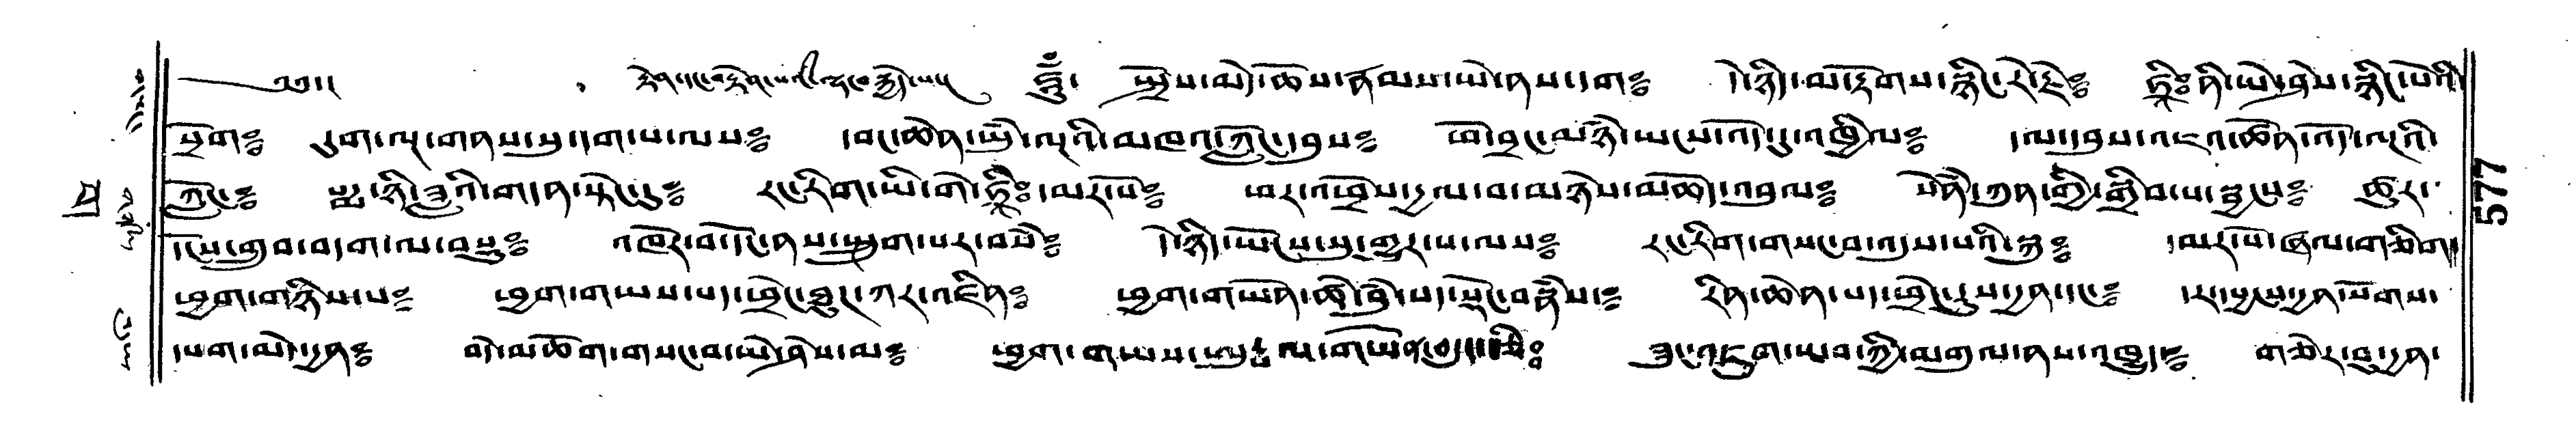རྟེན་དང་བརྟེན་པའི་ལྷ་བསྐྱེད་པ། ཧཱུྃ༔ སྤྲོས་མེད་ཆོས་རྣམས་ཡེ་ནས་དག༔ དེ་ཉིད་མ་རྟོགས་སྙིང་རེ་རྗེ༔ ཧྲཱིཿནི་ཡེ་ཤེས་སྙིང་པོའི་
སྲོག༔ དུག་ལྔ་གནས་སུ་དག་པ་ལས༔ དབང་ཆེན་ཡུམ་ལྔའི་མཁའ་ཀློང་དབུས༔ ཕོ་བྲང་མཉམ་ཡངས་འོད་དུ་འཁྱིལ༔ དལ་དབུས་འཇའ་ཚོན་འོད་ལྔའི་
ཀློང༔ པདྨ་ཉི་ཟླའི་གདན་སྟེང་དུ༔ རང་རིག་ཡི་གེ་ཧྲཱིཿདམར་པོ༔ ཕར་འཕྲོས་རྒྱལ་བ་མཉེས་མཆོད་འབུལ༔ སེམས་ཅན་ཀུན་གྱི་སྒྲིབ་པ་སྦྱངས༔ ཚུར་
དངོས་གྲུབ་བདག་ལ་བསྡུ༔ འཁོར་བ་དོང་་ནས་སྤྲུག་པར་བསམ༔ དེ་ཉིད་ཡོངས་སུ་གྱུར་པ་ལས༔ རང་རིག་གསང་བ་འདུས་པའི་སྐུ༔ དམར་པོ་ཞལ་གཅིག་
ཕྱག་གཉིས་པ༔ ཕྱག་གཡས་པད་ཕྲེང་ཐུགས་ཀར་འཛིན༔ ཕྱག་གཡོན་ཚེ་བུམ་པད་སྡོང་བསྣམས༔ རིན་ཆེན་པད་ཕྲེང་རུས་རྒྱན་དང༔ དར་དཔྱངས་རྒྱན་སོགས་
དཔག་མེད་རྒྱན༔ བདེ་མཆོག་གསང་བ་ཡེ་ཤེས་མ༔ ཕྱག་གཡས་ཨུཏྤལ་གཡོན་བདུད་རྩི༔ ཟུང་འཇུག་ཡབ་ཀྱི་མགུལ་ནས་འཁྱུད༔ གཅེར་བུ་རྒྱན་